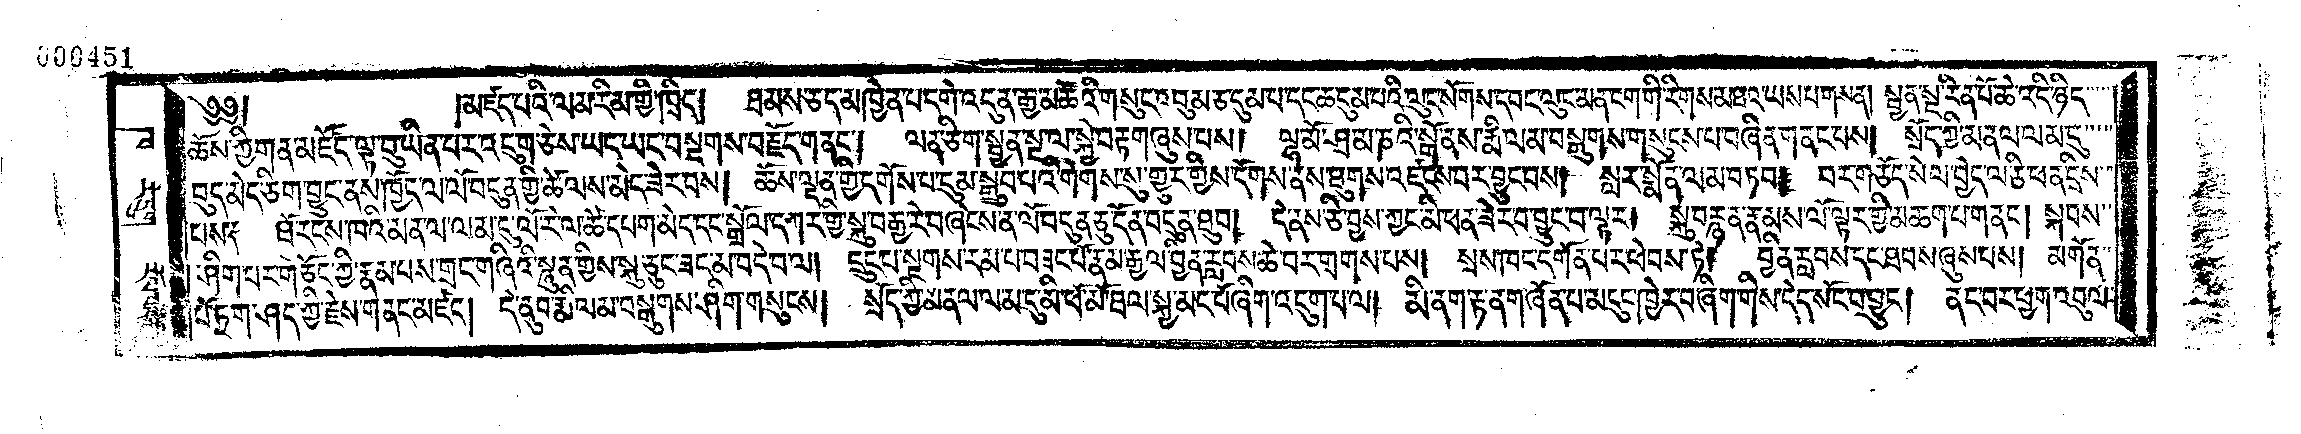༄༅། །མཛད་པའི་ལམ་རིམ་གྱི་ཁྲིད། ཐམས་ཅད་མཁྱེན་པ་དགེ་འདུན་རྒྱ་མཚོའི་གསུང་འབུམ་ཅ་དུམ་པ་དང་ཆ་དུམ་པའི་ལུང་སོགས་དབང་ལུང་མན་ངག་གི་རིགས་མཐའ་ཡས་པ་གསན། སྤྱན་སྔ་རིན་པོ་ཆེ་འདི་ཉིད་
ཆོས་ཀྱི་གན་མཛོད་ལྟ་བུ་ཡིན་པར་འདུག་ཅེས་ཡང་ཡང་བསྔགས་བརྗོད་གནང་། ལན་ཅིག་སྤྱན་སྔ་ལ་སྐྱེ་བརྟག་ཞུས་པས། ལྷ་མོ་ཤྲ་མ་ཎའི་སྒོ་ནས་རྨི་ལམ་བསྒུགས་གསུངས་པ་བཞིན་གནང་བས། སྲོད་ཀྱི་མནལ་ལམ་དུ་
བུད་མེད་ཅིག་བྱུང་ནས་ཁྱོད་ལ་ལོ་བདུན་གྱི་ཚེ་ལས་མེད་ཟེར་བས། ཆོས་ལྡན་གྱི་དགོས་པ་དུ་མ་སྒྲུབ་པའི་གེགས་སུ་གྱུར་གྱིས་དོགས་ནས་ཐུགས་འཛངས་པར་བྱུང་པས། སླར་སྨོན་ལམ་བཏབ། བར་གཅོད་སེལ་བྱེད་ལ་ཅི་ཕན་དྲིས་
པས༑ ཐོ་རངས་ཁའི་མནལ་ལམ་དུ་ལོ་རེ་ལ་ཚེ་དཔག་མེད་དང་སྒྲོལ་དཀར་གྱི་སྐུ་བརྒྱ་རེ་བཞེངས་ན་ལོ་བདུན་ཅུ་དོན་བདུན་ཐུབ། དེ་ནས་ཅི་བྱས་ཀྱང་མི་ཕན་ཟེར་བ་བྱུང་བ་ལྟར། སྐུ་བརྙན་རྣམས་ལོ་ལྟར་གྱི་མ་ཆག་བ་གནང་། སྐབས་
ཤིག་པར་གཅོད་ཀྱི་རྣམ་པས་གྲང་གཞིའི་སྙུན་གྱིས་སྐུ་ཅུང་ཟད་མ་བདེ་བ་ལ། དྲུང་པ་སྔགས་རམ་པ་བཟང་པོ་རྣམ་རྒྱལ་བྱིན་རླབས་ཆེ་བར་གྲགས་པས། སྲས་ཁང་དགོན་པར་ཕེབས་ཏེ། བྱིན་རླབས་དང་ཐབས་ཞུས་པས། མགོན་
པོ་ཏྲག་ཤད་ཀྱི་རྗེས་གནང་མཛད། དེ་ནུབ་རྨི་ལམ་བསྒུགས་ཤིག་གསུངས། སྲོད་ཀྱི་མནལ་ལམ་དུ་མི་ཕོ་མོ་ཐལ་སྐྱ་མང་པོ་ཞིག་འདུག་པ་ལ། མི་ནག་རྟ་ནག་ཞོན་པ་མདུང་ཁྱེར་བ་ཞིག་གིས་དེད་སོང་བ་བྱུང་། ནང་བར་ཕྱག་འབུལ་